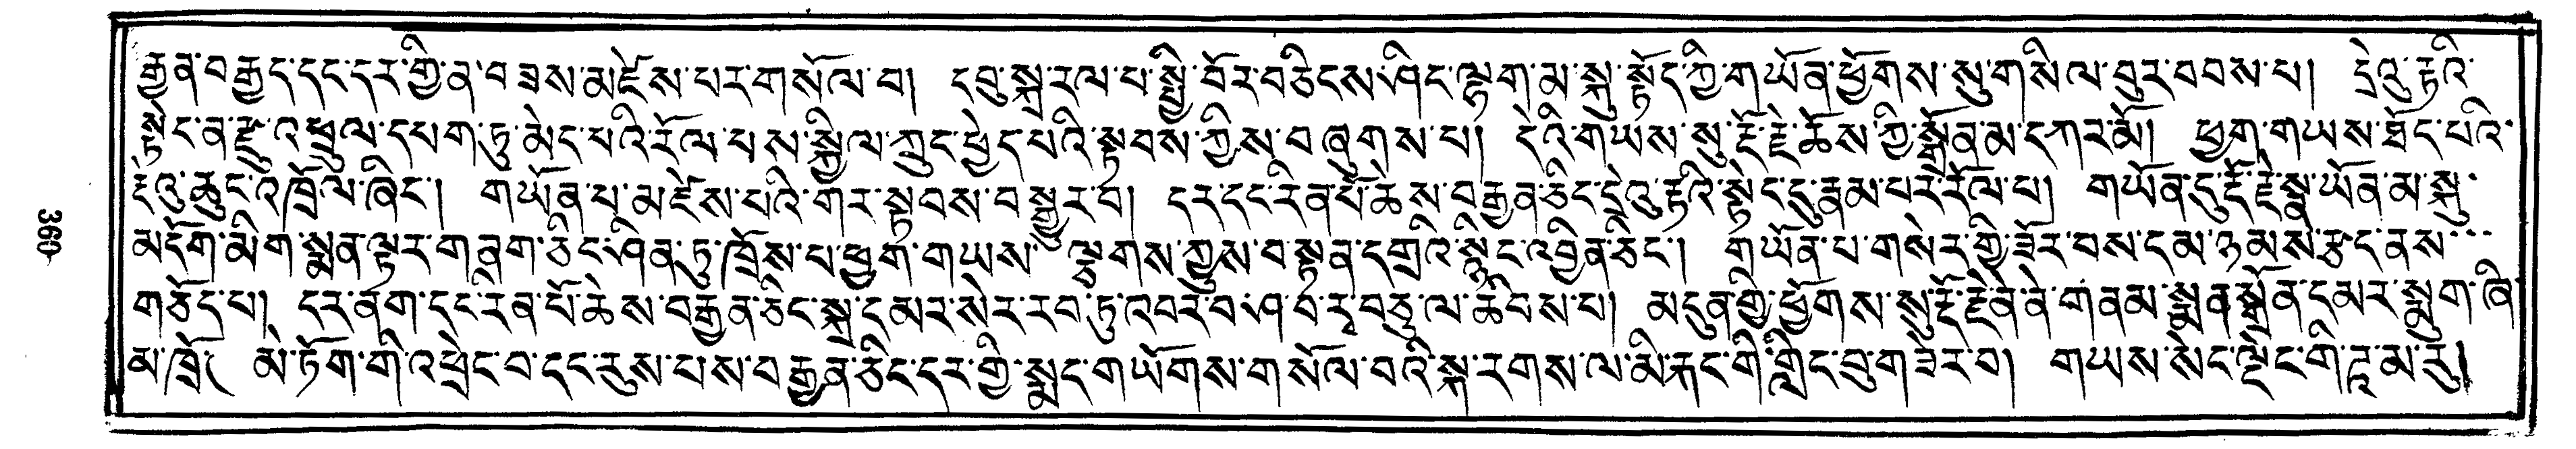རྒྱན་པ་རྒྱད་དང་དར་གྱི་ན་བཟས་མཛེས་པར་གསོལ་བ། །དབུ་སྐྲ་རལ་པ་སྤྱི་བོར་བཅིངས་ཤིང་ལྷག་མ་སྐུ་སྟོང་ཀྱི་གཡོན་ཕྱོགས་སུ་གསིལ་བུར་བབས་པ། དྲེའུ་རྟའི་
སྟེང་ན་རྫུ་འཕྲུལ་དཔག་ཏུ་མེ་དཔའི་རོལ་པས་སྐྱིལ་ཁྲུང་ཕྱེད་པའི་སྟབས་ཀྱིས་བཞུགས་པ། དེའི་གཡས་སུ་རྡོ་རྗེ་ཆོས་ཀྱི་སྒྲོན་མ་དཀར་མོ། །ཕྱག་གཡས་ཐོང་པའི་
རྡེའུ་ཆུང་འཁྲོལ་ཞིང་། གཡོན་པ་མཛེས་པའི་གར་སྟབས་བསྒྱུར་པ། །དར་དང་རིན་པོ་ཆེས་བརྒྱན་ཅིང་དྲེའུ་རྟའི་སྟེང་དུ་རྣམ་པར་རོལ་བ། །གཡོན་དུ་རྡོ་རྗེ་སྣ་ཡོན་མ་སྐུ་
མདོག་མིག་སྨན་ལྟར་གནག་ཅིང་ཤིན་ཏུ་ཁྲོས་པ་ཕྱག་གཡས་ལྕགས་ཀྱིས་བསྟན་དགྲའི་སྙིང་འབྱིན་ཅིང་། གཡོན་པ་གསེར་གྱི་ཟོར་བས་དམ་ཉམས་རྩད་ནས་
གཅོད་པ། དར་ནག་དང་རིན་པོ་ཆེས་བརྒྱན་ཅིང་སྒྲ་དམར་སེར་རབ་ཏུ་འབར་བཤད་བ་རྭ་བཅུ་ལ་ཆིབས་པ། མདུན་གྱི་ཕྱོགས་སུ་རྡོ་རྗེ་ནེ་གནམ་སྨྲན་སྒྲོན་དམར་སྨྱུག་ཞི་
མ་ཁྲོ༑ མེ་ཏོག་གི་འཕྲེང་བ་དང་རུས་པས་བརྒྱན་ཅིང་དར་གྱི་སྨད་གཡོགས་གསོལ་བའི་སྐ་རགས་ལ་མི་རྐང་གི་གླིང་བུ་གཟེར་བ། གཡས་སེང་ལྡེང་གི་ཌཱ་མ་